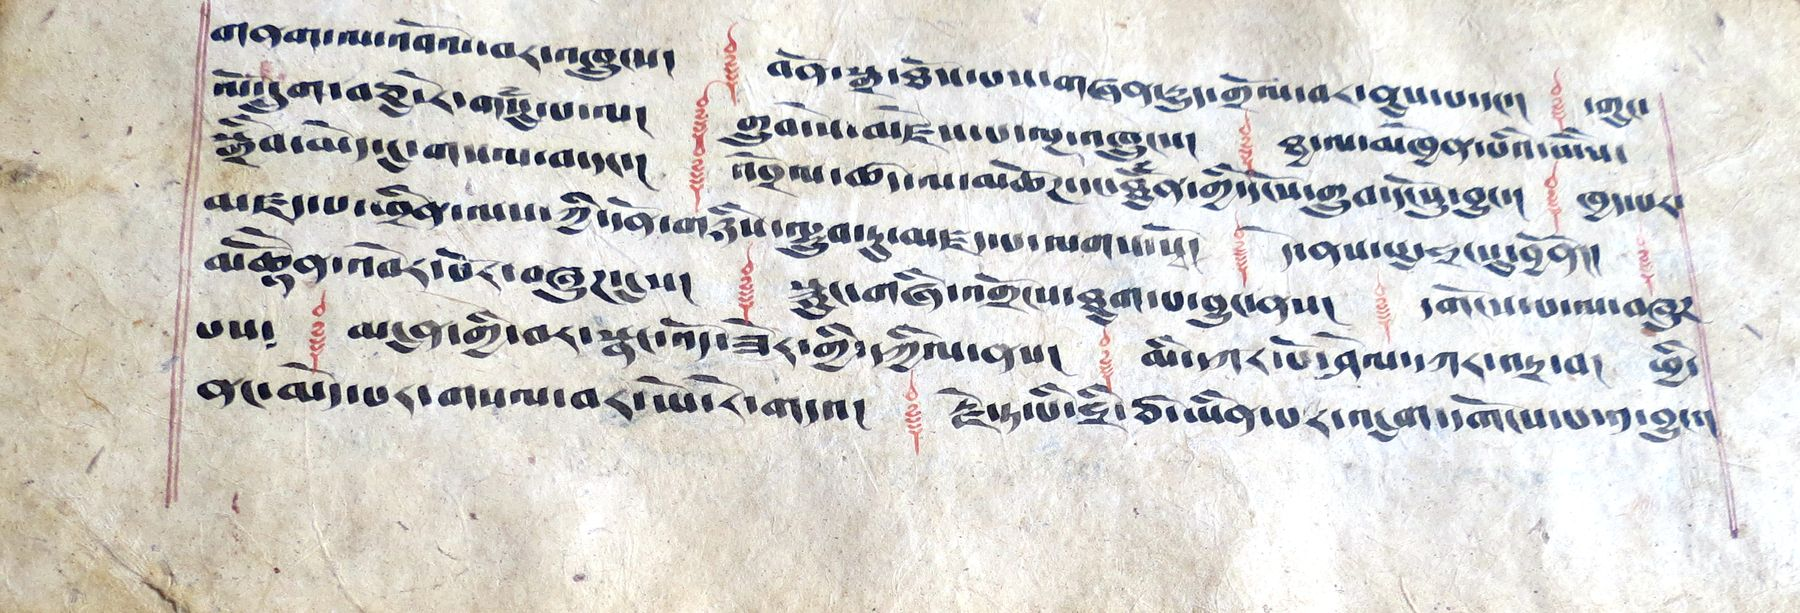ལ་འབོལ་བར་འཁྲུངས། བོན་སྒྲ་ཐོས་པས་གཞན་རྒྱུད་གྲོལ་བར་ནུས་པ་དང་། དགུང་
ལོ་དྲུག་ཅུ་རེ་གསུམ་པ་ལ། གྲུབ་སོ་མཛེས་པ་ལྔ་འཁྲུངས། ཐུགས་ལ་མཁྱེན་པའི་ཡེ་ཤེས་
སྒྲིབ་མེད་དུ་གསལ་བ་དང་། འབྲེལ་ཚད་ལ་མཆོག་དང་ཐུན་མོང་གི་དངོས་གྲུབ་དངོས་སུ་བྱུང་། ཁྱད་པར་
མཛད་པའི་འཕྲིན་ལས་ཀྱིས་དོན་གཉིས་ལྷུན་གྲུབ་ཏུ་མཛད་པ་ལགས་སོ། ། དེ་ནས་པུ་ཧྲང་དུ་བྱོན་
མཆོད་རྟེན་འབེར་པོར་བཞུགས་དུས། བསྙུང་གཞི་འགྲོང་ཐུག་པ་ཞིག་བྱུང་ནས། དགོངས་པ་ལ་བཞུགས་
པས། མདུན་གྱི་བར་སྣང་འོད་ཟེར་གྱི་དཀྱིལ་ན། མི་དཀར་པོ་ཤེལ་དཀར་འདྲ་བ། ཕྱི་
ནང་མེད་པར་གསལ་བར་ཡེ་རེ་གདའ། རྗེ་ཏ་པི་ཧྲི་ཙ་ཡིན་པར་འདུག་དགོངས་པ་ཞིག་བྱུང་།